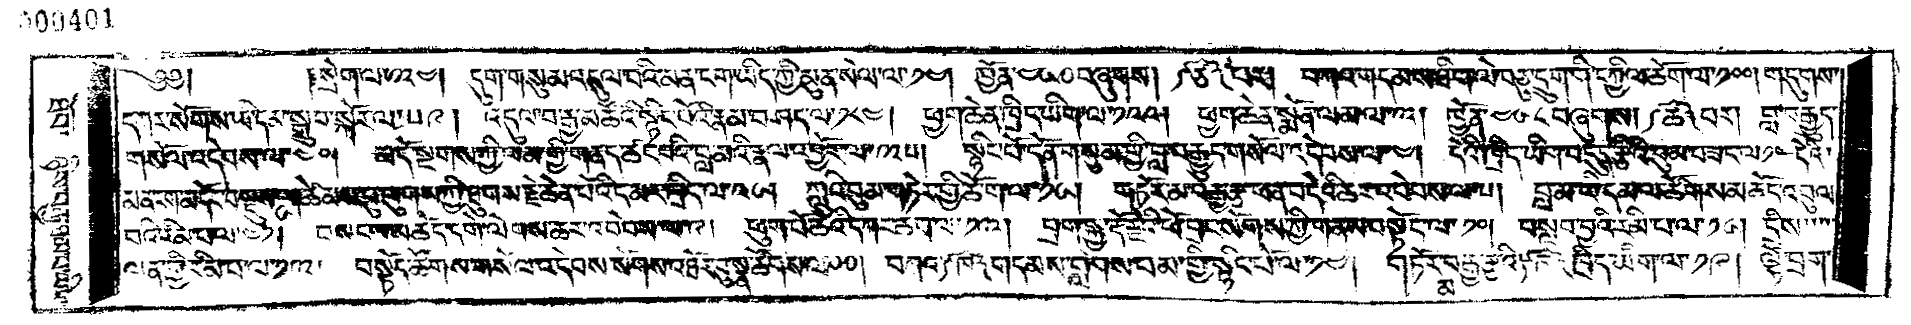༄༅། །སྲེག་ལ ༣༤། དུག་གསུམ་འདུལ་བའི་མན་ངག་ཡིད་ཀྱི་མུན་སེལ་ལ ༡༤། ཁྱོན ༤༦༠་བཞུགས། ༼ཅ༽ པར། བཀའ་གདམས་ཐིག་ལེ་བཅུ་དྲུག་གི་དཀྱིལ་ཆོག་ལ ༡༠༠། གདུགས་
དཀར་སོགས་ཡི་དམ་སྒྲུབ་སྐོར་ལ ༥༩། འདུལ་བ་རྒྱ་མཚོའི་སྙིང་པོའི་རྣམ་བཤད་ལ ༡༨༤། ཕྱག་ཆེན་ཁྲིད་ཡིག་ལ ༡༢༢། ཕྱག་ཆེན་སྨོན་ལམ་ལ ༣། ཁྱོན ༤༦༨་བཞུགས། ༼ཆ༽ པར། བླ་བརྒྱུད་
གསོལ་འདེབས་ལ ༤༠། མདོ་སྔགས་ཀྱི་ལམ་གྱི་གནད་ཚང་བའི་བླ་མའི་རྣལ་འབྱོར་ལ ༣༥། སྙིང་པོ་དོན་གསུམ་གྱི་བླ་བརྒྱུད་གསོལ་འདེབས་ལ ༤། དེའི་ཁྲིད་ཡིག་བདུད་རྩིའི་བུམ་བཟང་ལ ༡༤་དེའི་
མན་ངག་མདོར་བསྡུས་ལ ༦། ཚེམས་བུ་ལུགས་ཀྱི་ཐུགས་རྗེ་ཆེན་པོའི་དམར་ཁྲིད་ལ ༢༦། ཀླུའི་བུམ་གཏེར་གྱི་ཆོ་ག་ལ ༡༦། གཏོར་མ་བརྒྱ་རྩ་ཕན་བདེའི་ཆར་འབེབས་ལ ༥། བླ་མ་ཡི་དམ་ལ་ཚོགས་མཆོད་འབུལ་
བའི་རིམ་པ་ལ ༤༡། བསངས་མཆོད་དགེ་ལེགས་ཆར་འབེབས་ལ ༩། ཕུག་པོ་ཆེའི་དཀར་ཆག་ལ ༡༣། བྲག་སྐྱ་རྡོ་རྗེའི་ཕོ་བྲང་སོགས་ཀྱི་གནས་བསྟོད་ལ ༡༠། བསླབ་བྱའི་རིམ་པ་ལ ༡༦། དྲིས་
ལན་གྱི་རིམ་པ་ལ ༡༣། བསྟོད་ཚོགས་གསོལ་འདེབས་སོགས་འཐོར་བུ་སྣ་ཚོགས་ལ ༧༧། བཀའ ༼ཁ༽ གདམས་གླེགས་བམ་གྱི་སྙིང་པོ་ལ ༡༤། གཏོར་མ་བརྒྱ་རྩའི ༼ཁ༽ ཁྲིད་ཡིག་ལ ༡༩། ལྟོ་བྲག་